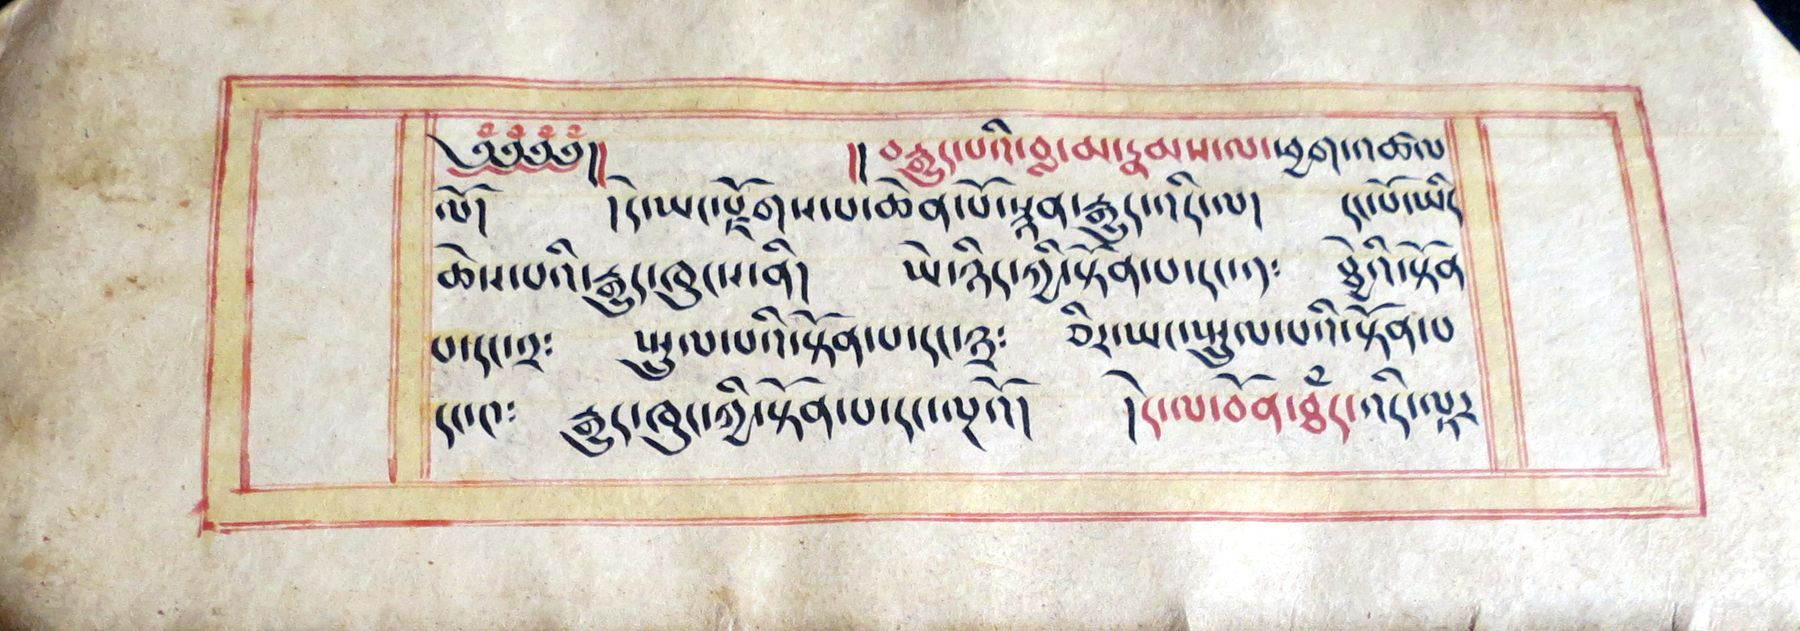༄༅། །བརྒྱུད་པའི་བླ་མ་རྣམས་ལ་ཕྱག་འཚལ་
ལོ། དེ་ཡང་རྫོགས་པ་ཆེན་པོ་སྙན་རྒྱུད་འདི་ལ། དང་པོ་ཡིད་
ཆེས་པའི་རྒྱུད་ཁུངས་ནི། ཡེ་ཉིད་ཀྱི་སྟོན་པ་དང་གཅིག ཐུགས་རྗེའི་སྟོན་
པ་དང་གཉིས། སྤྲུལ་པའི་སྟོན་པ་དང་གསུམ། ཅིར་ཡང་སྤྲུལ་པའི་སྟོན་པ་
དང་བཞི། རྒྱུད་ཁུངས་ཀྱི་སྟོན་པ་དང་ལྔའོ། །དེ་ལ་བོན་ཐམས་ཅད་འདི་ལྟར་